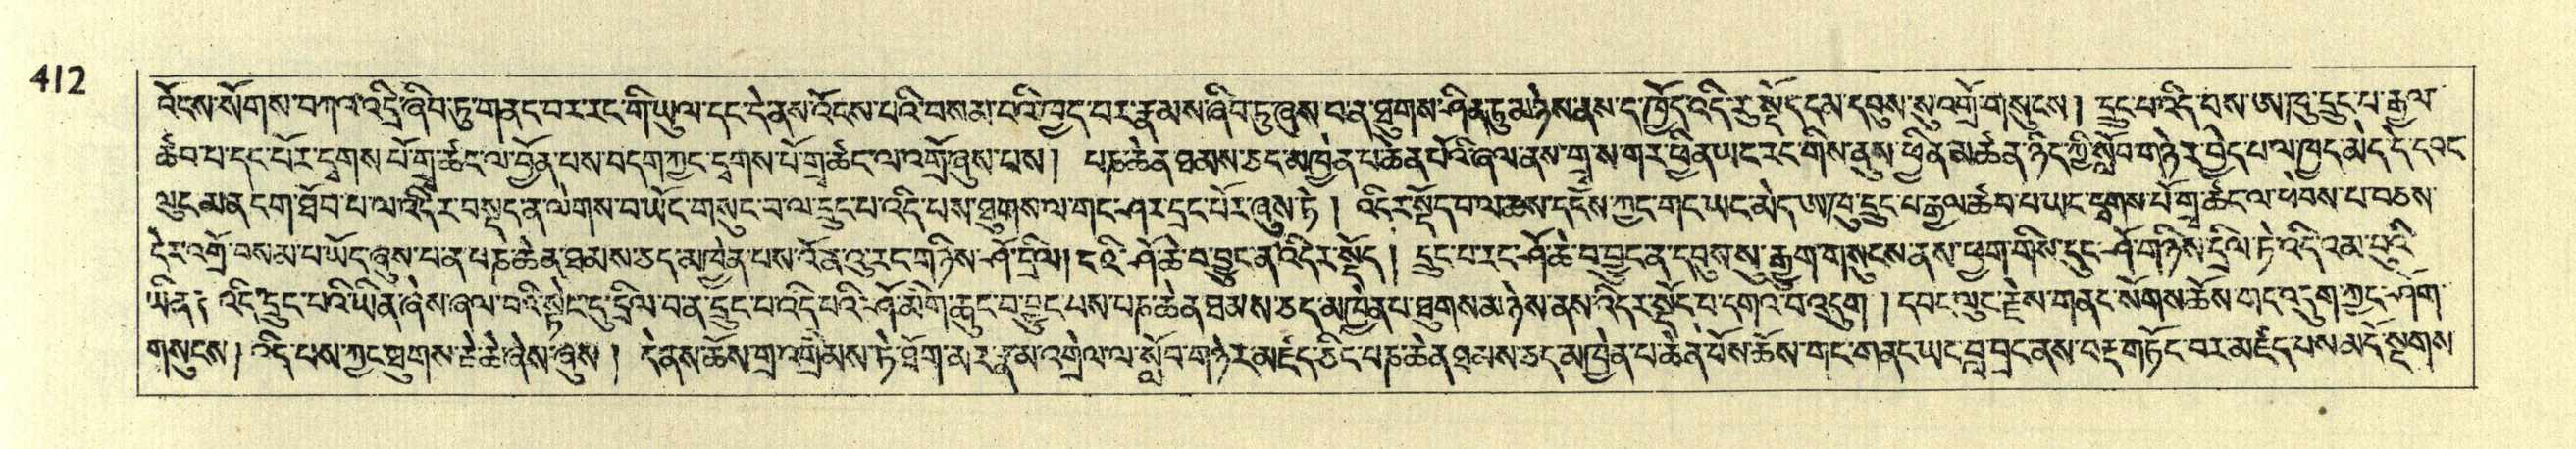འོངས་སོགས་བཀའ་དྲི་ཞིབ་ཏུ་གནང་བར་རང་གི་ཡུལ་དང་དེ་ནས་འོངས་པའི་བསམ་བའི་ཁྱད་པར་རྣམས་ཞིབ་ཏུ་ཞུས་བ་ན་ཐུགས་ཤིན་ཏུ་མཉེས་ནས་ད་ཁྱོད་འདི་རུ་སྡོད་དམ་དབུས་སུ་འགྲོ་གསུངས། དྲུང་པ་འདི་བས་ཨ་ཁུ་དྲུང་པ་རྒྱལ་
ཚབ་པ་དང་པོར་དྭགས་པོ་གྲྭ་ཚང་ལ་བྱོན་པས་བདག་ཀྱང་དྭགས་པོ་གྲྭ་ཚང་ལ་འགྲོ་ཞུས་པས། པཎ་ཆེན་ཐམས་ཅད་མཁྱེན་པ་ཆེན་པོའི་ཞལ་ནས་གྲྭ་ས་གར་ཕྱིན་ཡང་རང་གིས་ནུས་ཕྱིན་མཚན་ཉིད་ཀྱི་སློབ་གཉེར་བྱེད་པ་ལ་ཁྱད་མེད་དེ་དབང་
ལུང་མན་ངག་ཐོབ་པ་ལ་འདིར་བསྡད་ན་ལེགས་བ་ཡོངས་གསུང་བ་ལ་དྲུང་པ་འདི་པས་ཐུགས་ལ་གང་ཤར་དྲང་པོར་ཞུས་ཏེ། འདིར་སྡོད་བ་ལ་ཆས་དངོས་ཀྱང་གང་ཡང་མེད་ཨ་ཁུ་དྲུང་པ་རྒྱལ་ཚབ་པ་ཡང་དྭགས་པོ་གྲྭ་ཚང་ལ་ཕེབས་པ་བཅས་
དེར་འགྲོ་བསམ་པ་ཡོང་ཞུས་པ་ན་པཎ་ཆེན་ཐམས་ཅད་མཁྱེན་པས་འོན་འུ་རང་གཉིས་ཤོ་དྲིལ། ངའི་ཤོ་ཆེ་བ་བྱུང་ན་འདིར་སྡོད། དྲུང་པ་རང་ཤོ་ཆེ་བ་བྱུང་ན་དབུས་སུ་རྒྱུག་གསུངས་ནས་ཕྱག་གིས་དུང་ཤོ་གཉིས་དྲིལ་ཏེ་འདི་འམ་བུའི་
ཡིན༑ འདི་དྲུང་པའི་ཡིན་ཞེས་ཞལ་བའི་སྟེང་དུ་དྲིལ་བ་ན་དྲུང་པ་འདི་པའི་ཤོ་མིག་ཆུང་བ་བྱུང་པས་པཎ་ཆེན་ཐམས་ཅད་མཁྱེན་པ་ཐུགས་མཉེས་ནས་འདིར་སྡོད་པ་དགའ་བ་འདུག །དབང་ལུང་རྗེས་གནང་སོགས་ཆོས་གང་འདུག་ཀྱང་ཤོག་
གསུངས། འདི་པས་ཀྱང་ཐུགས་རྗེ?་ཆེ་ཞེས་ཞུས། དེ་ནས་ཆོས་གྲ་འགྲིམས་ཏེ་ཐོག་མར་རྣམ་འགྲེལ་ལ་སློབ་གཉེར་མཛད་ཅིང་པཎ་ཆེན་ཐམས་ཅད་མཁྱེན་པ་ཆེན་པོས་ཆོས་གང་གནང་ཡང་བླ་བྲང་ནས་བརྡ་གཏོང་བར་མཛད་པས་མདོ་སྔགས་